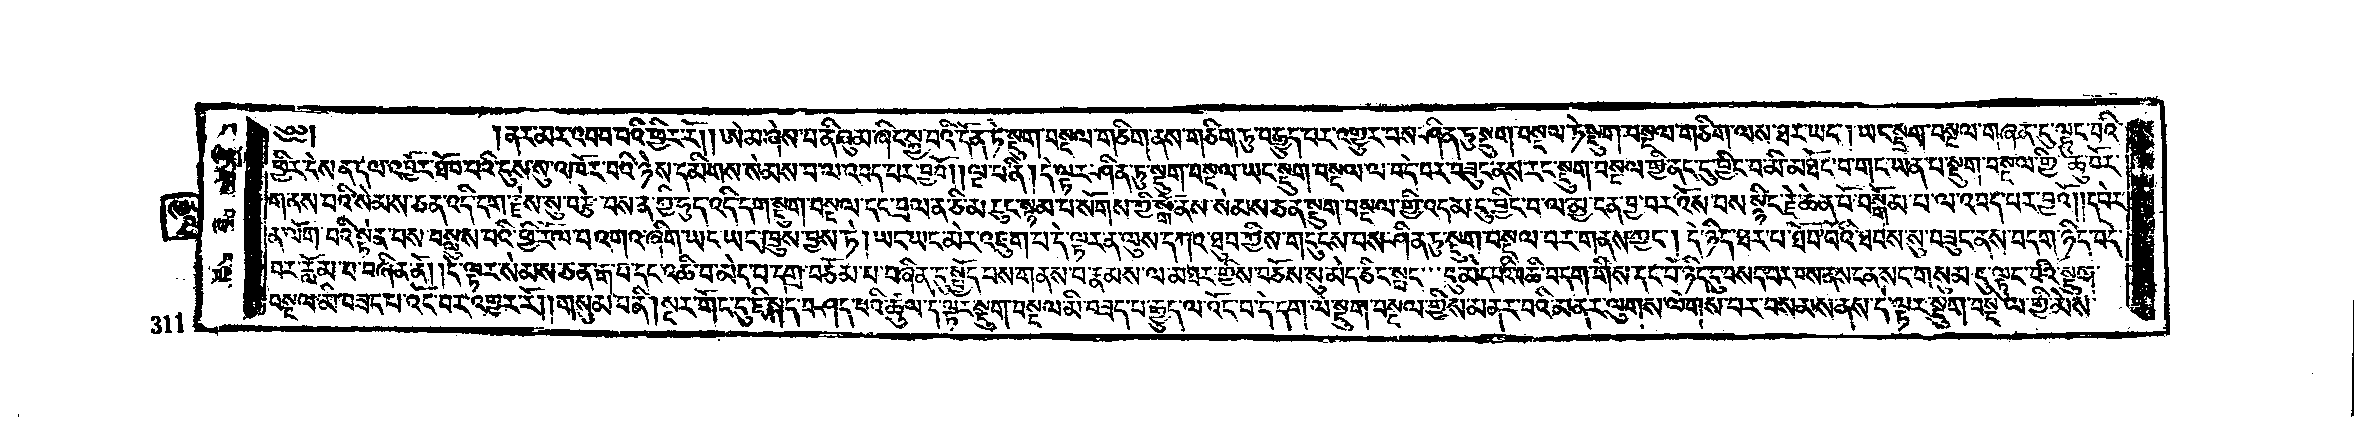༄༅། །ནར་མར་འབབ་བའི་ཕྱིར་རོ། །ཨེ་མ་ཞེས་པ་ནི་ཞུམ་ཞིང་སྐྱེ་བའི་དོན་ཏེ་སྡུག་བསྔལ་གཅིག་ནས་གཅིག་ཏུ་བརྒྱུད་པར་འགྱུར་བས་ཤིན་ཏུ་སྡུག་བསྔལ་ཏེ་སྡུག་བསྔལ་གཅིག་ལས་ཐར་ཡང་། ཡང་སྡུག་བསྔལ་གཞན་དུ་ལྟུང་བའི་
ཕྱིར་དེས་ན་དལ་འབྱོར་ཐོབ་པའི་དུས་སུ་འཁོར་བའི་ཉེས་དམིགས་སེམས་པ་ལ་འབད་པར་བྱའོ། །ལྔ་པ་ནི། དེ་ལྟར་ཤིན་ཏུ་སྡུག་བསྔལ་ཡང་སྡུག་བསྔལ་ལ་བདེ་བར་བཟུང་ནས་རང་སྡུག་བསྔལ་གྱི་ནང་དུ་བྱིང་བ་མི་མཐོང་བ་གང་ཡན་པ་སྡུག་བསྔལ་གྱི་ཆུ་བོར་
གནས་པའི་སེམས་ཅན་འདི་དག་རྗེས་སུ་བརྩེ་བས་ན་གྱི་ཧུད་འདི་དག་སྡུག་བསྔལ་དང་བྲལ་ན་ཅི་མ་རུང་སྙམ་པ་སོགས་ཀྱི་སྒོ་ནས་སེམས་ཅན་སྡུག་བསྔལ་གྱི་འདམ?་དུ་བྱིང་བ་ལ་མྱ་ངན་བྱ་བར་འོས་པས་སྙིང་རྗེ་ཆེན་པོ་བསྒོམ་པ་ལ་འབད་པར་བྱའོ། །དཔེར་
ན་ལོག་པའི་སྟེན་པས་བསླུས་པའི་ཕྱི་རོལ་པ་འགའ་ཞིག་ཡང་ཡང་ཁྲུས་བྱས་ཏེ། ཡང་ཡང་མེར་འཇུག་པ་དེ་ལྟར་ན་ལུས་དཀའ་ཐུབ་ཀྱིས་གདུངས་པས་ཤིན་ཏུ་སྡུག་བསྔལ་བར་གནས་ཀྱང་། དེ་ཉིད་ཐར་པ་ཐོབ་པོའི་ཐབས་སུ་བཟུང་ནས་བདག་ཉིད་བདེ་
བར་རློམ་པ་བཞིན་ནོ། །དེ་ལྟར་སེམས་ཅན་རྒ་བ་དང་འཆི་བ་མེད་པ་དགྲ་བཅོམ་པ་བཞིན་དུ་སྤྱོད་པས་གནས་པ་རྣམས་ལ་མཐར་གྱིས་བཅོས་སུ་མེད་ཅིང་སྤང་དུ་མེད་པའི་འཆི་བདག་གིས་དང་པོ་ཉིད་དུ་བསད་པར་བས་ནས་ངན་སང་གསུམ་དུ་ལྟུང་བའི་སྡུག་
བསྔལ་མི་བཟང་པ་འོང་བར་འགྱུར་རོ། །གསུམ་པ་ནི། སྔར་གོང་དུ་ཇི་སྐད་བཤད་པའི་ཚུལ་དེ་ལྟར་སྡུག་བསྔལ་མི་བཟད་པ་རྒྱུད་ལ་འོང་བ་དེ་དག་ལ་སྡུག་བསྔལ་གྱིས་མནར་བའི་མནར་ལུགས་ལེགས་པར་བསམས་ནས་དེ་ལྟར་སྡུག་བསྔལ་གྱི་མིས?